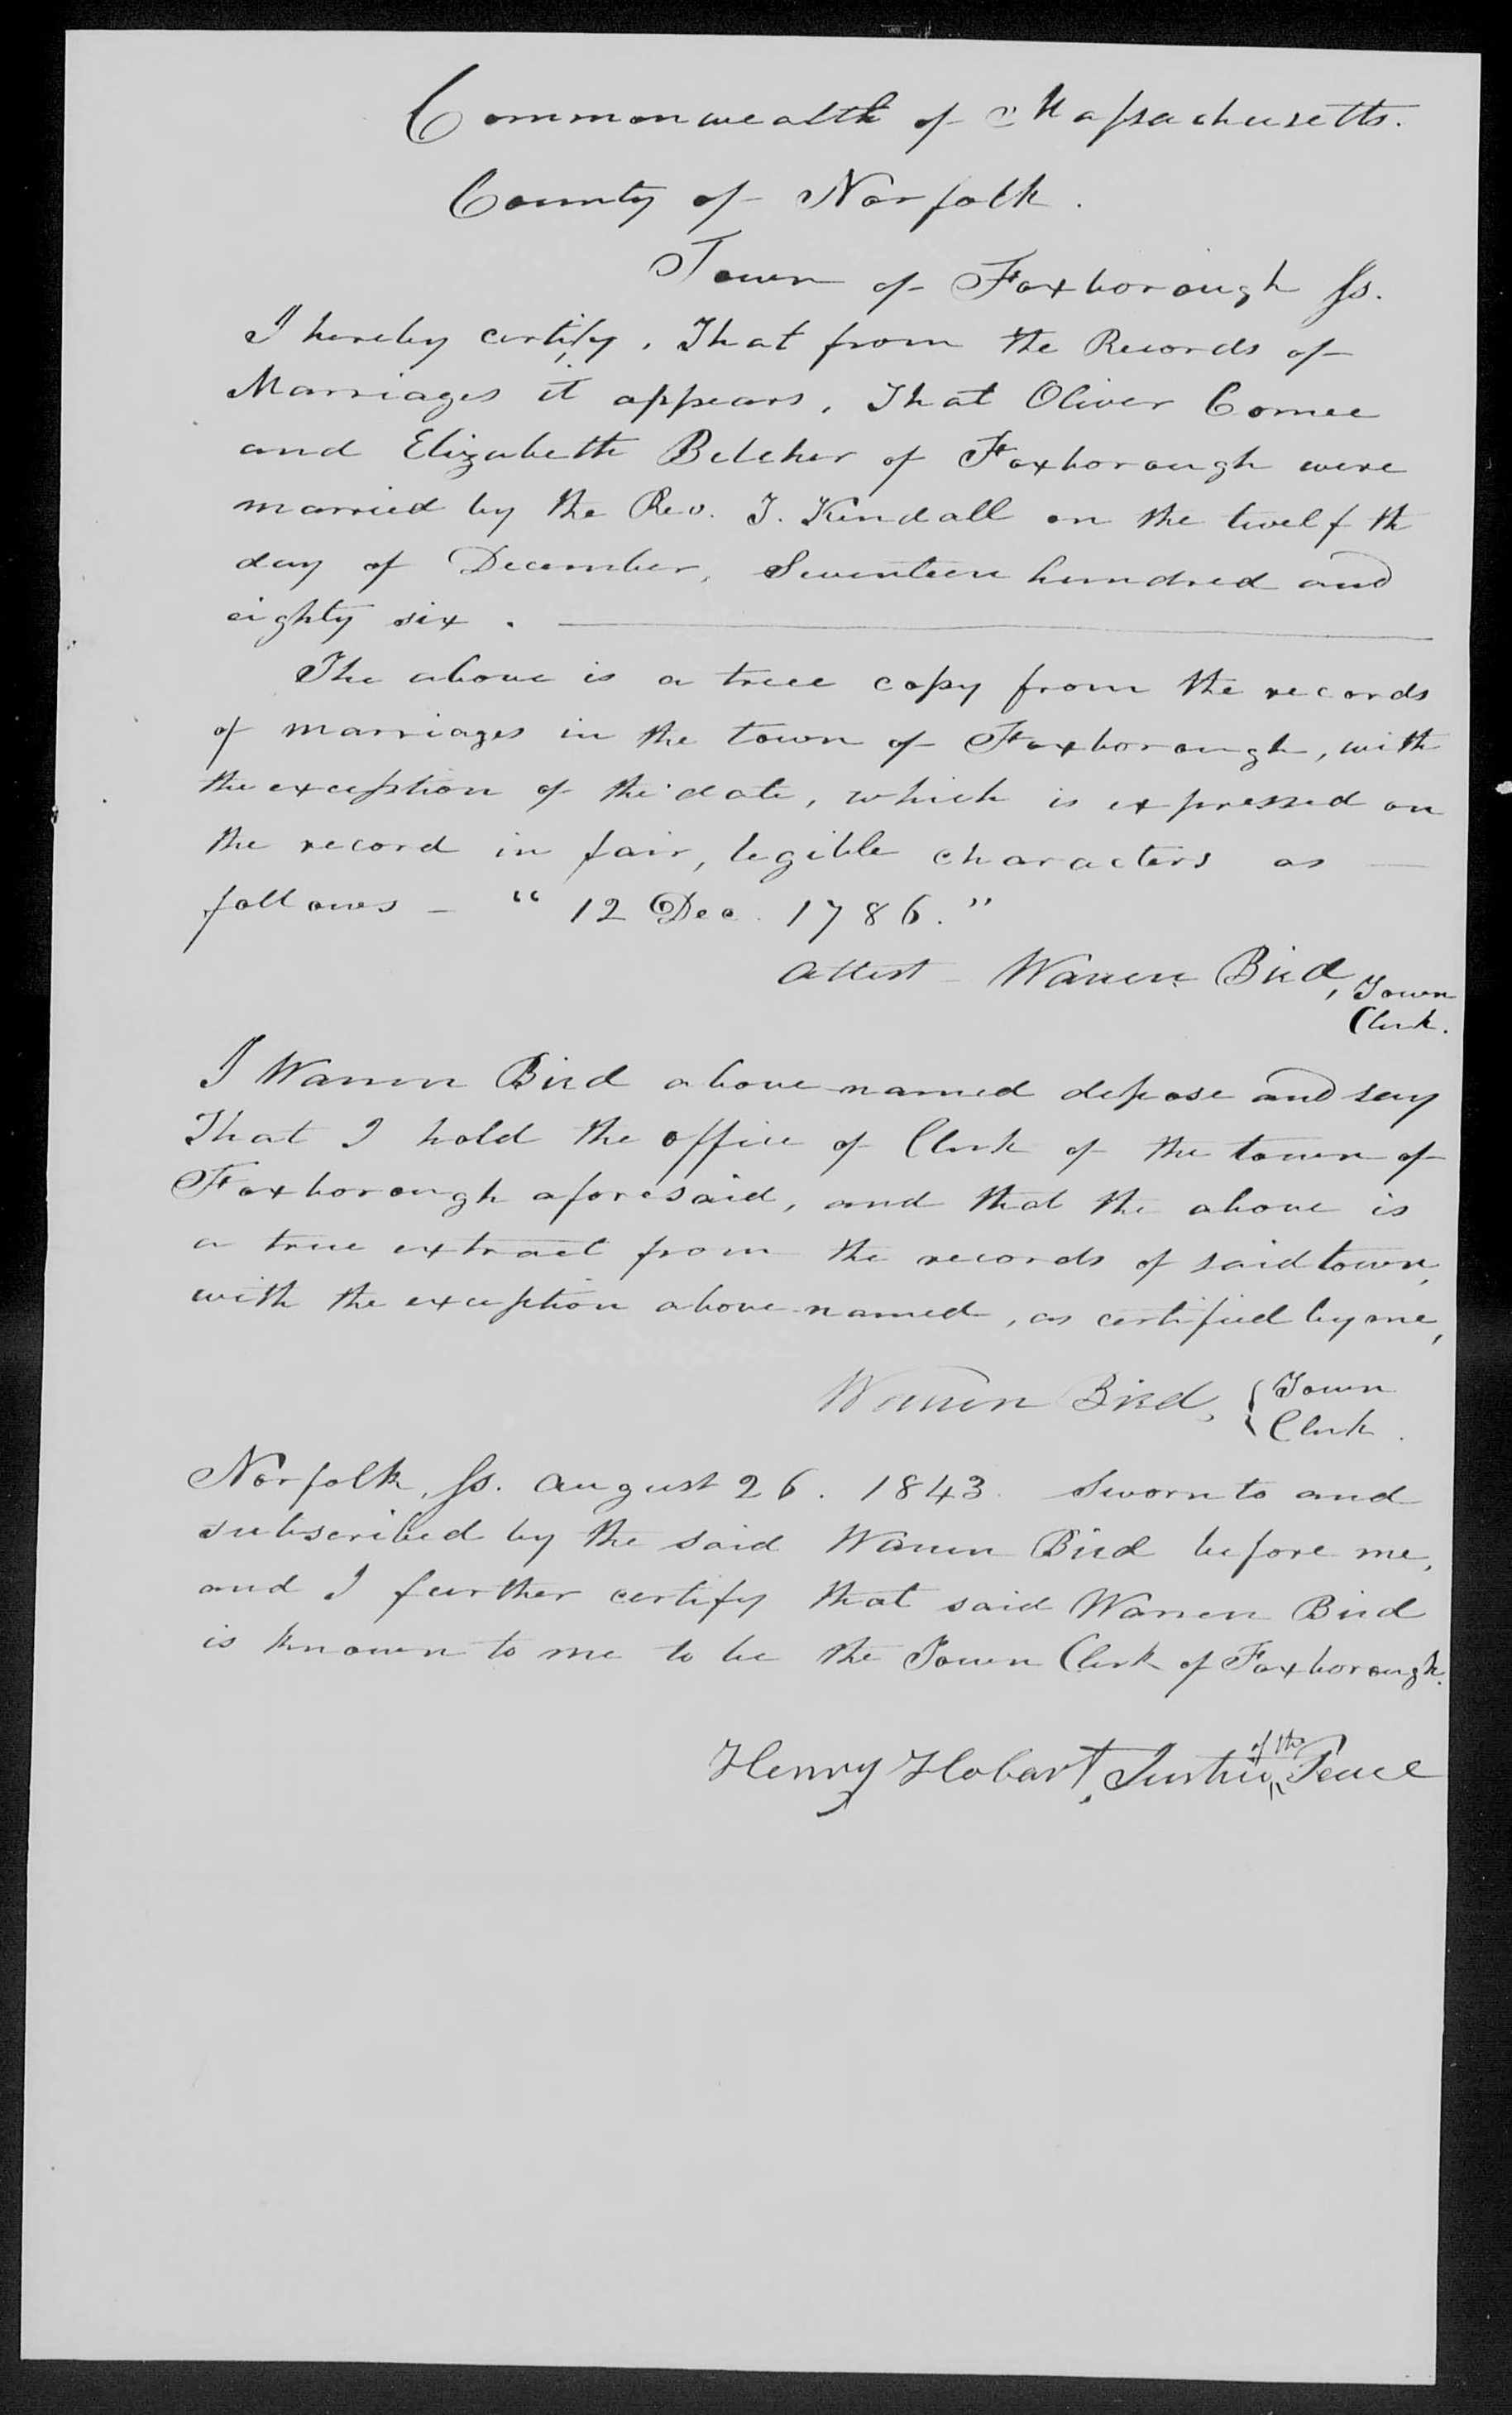Commonwealth of Massachusetts 
County of Norfolk 
Town of Foxborough ss. 
I hereby certify, That from the Records of Marriages it appears, that Oliver Comee and Elizabeth Belcher of Foxborough were married by the Rev. J. Kendall on the twelfth day of December, Seventeen hundred and eighty six. - The above is a true copy from the records of marriages in the town of Foxborough, with the exception of the date, which is expressed on the record in fair, legible characters as follows - " 12 Dec. 1786." 
Attest Warren Bird, Town Clerk 

I Warren Bird above named depose and say that I hold the office of Clerk of the town of Foxborough aforesaid, and that the above is a true extract from the records of said town with the exception above named, as certified by me Warren Bird, {Town Clerk.

Norfolk, ss. August 26, 1843. Sworn to and subscribed by the said Warren Bird before me, and I further certify that said Warren Bird is known to me to be the Town Clerk of Foxborough. 
Henry Hobart, Justice of the Peace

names: Henry Hobart, Warren Bird, Oliver Comee, Warren Bird, T Kendall, Warren Bird, Warren Bird, Warren Bird, Elizabeth Belcher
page: 13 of 45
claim: widow's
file: W. 14,567, Oliver Comee, Mass.